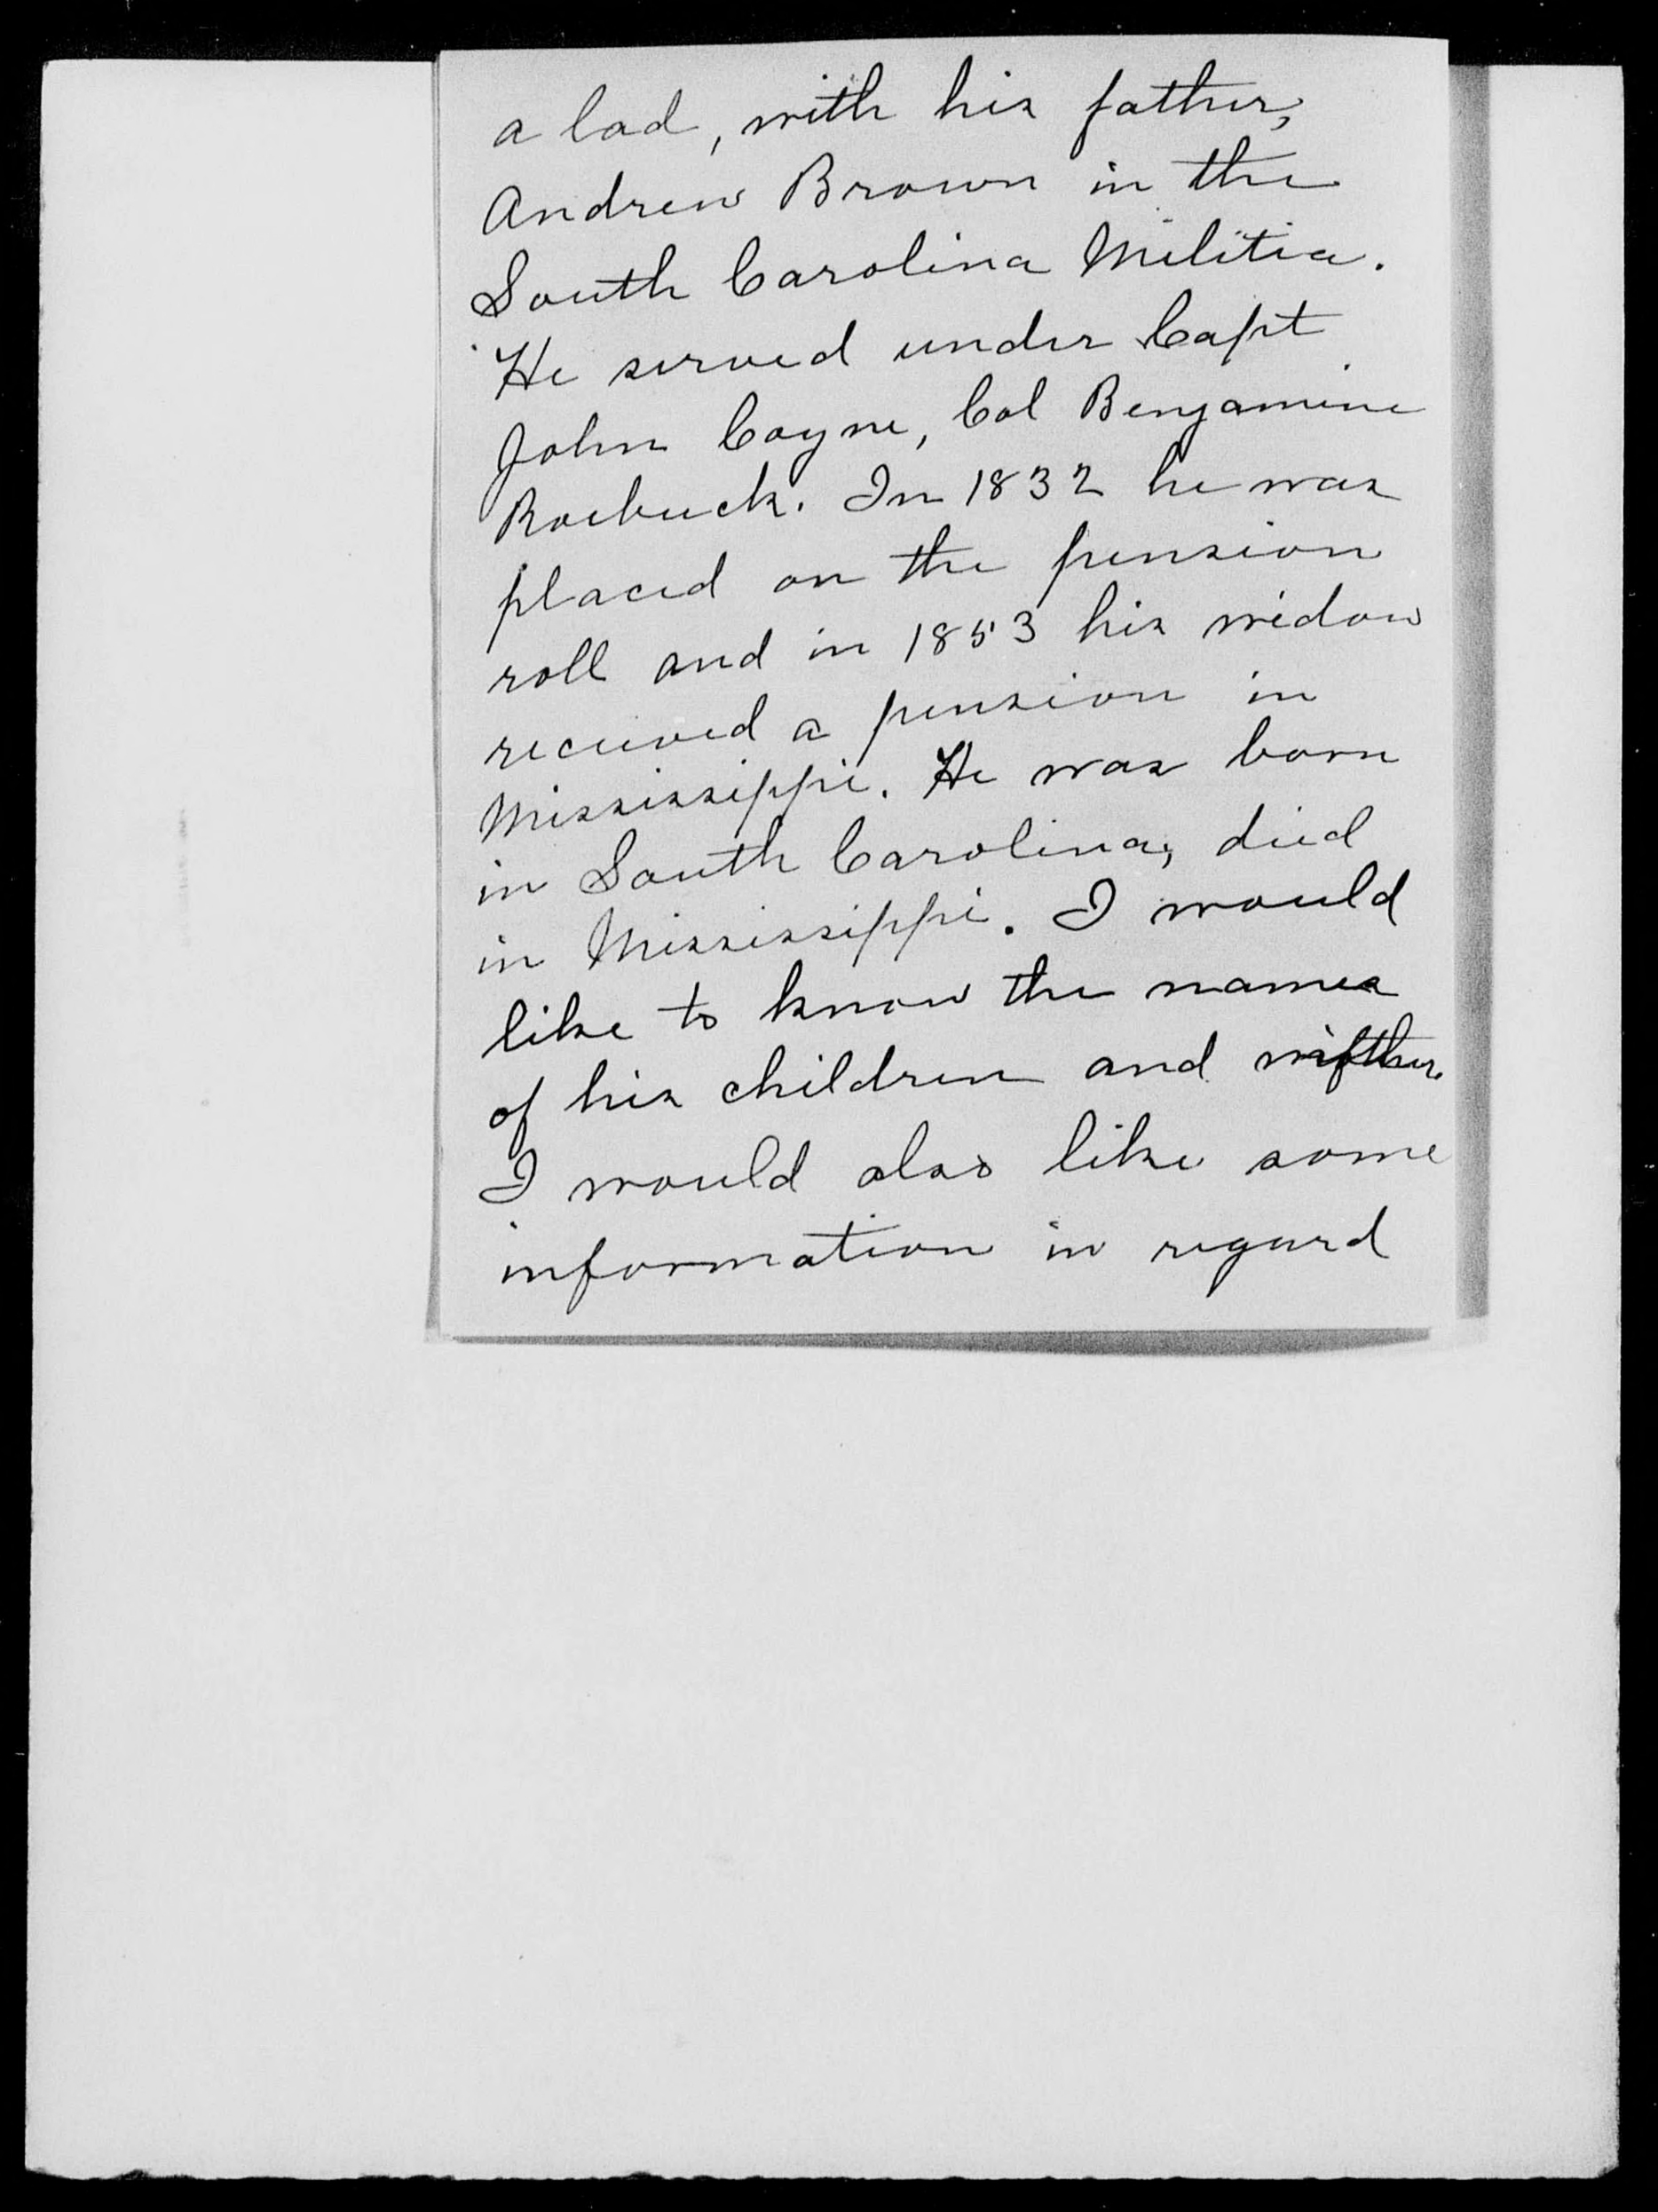a lad, with his father
Andrew Brown in the
South Carolina Militia
He served under Capt
John Coyne Col Benjamin
Roebuck. In 1832 he was
placed on the pension
roll and in 1853 his widow
received a pension in
Mississippi. He was born
in South Carolina, died
in Mississippi. I would
like to know the names
of his children and mother
I would also like some
information in regard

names: Benjamine Roebuck, Andrew Brown, John Cayne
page: 50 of 85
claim: widow's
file: W. 5,906, John Brown, S.C.